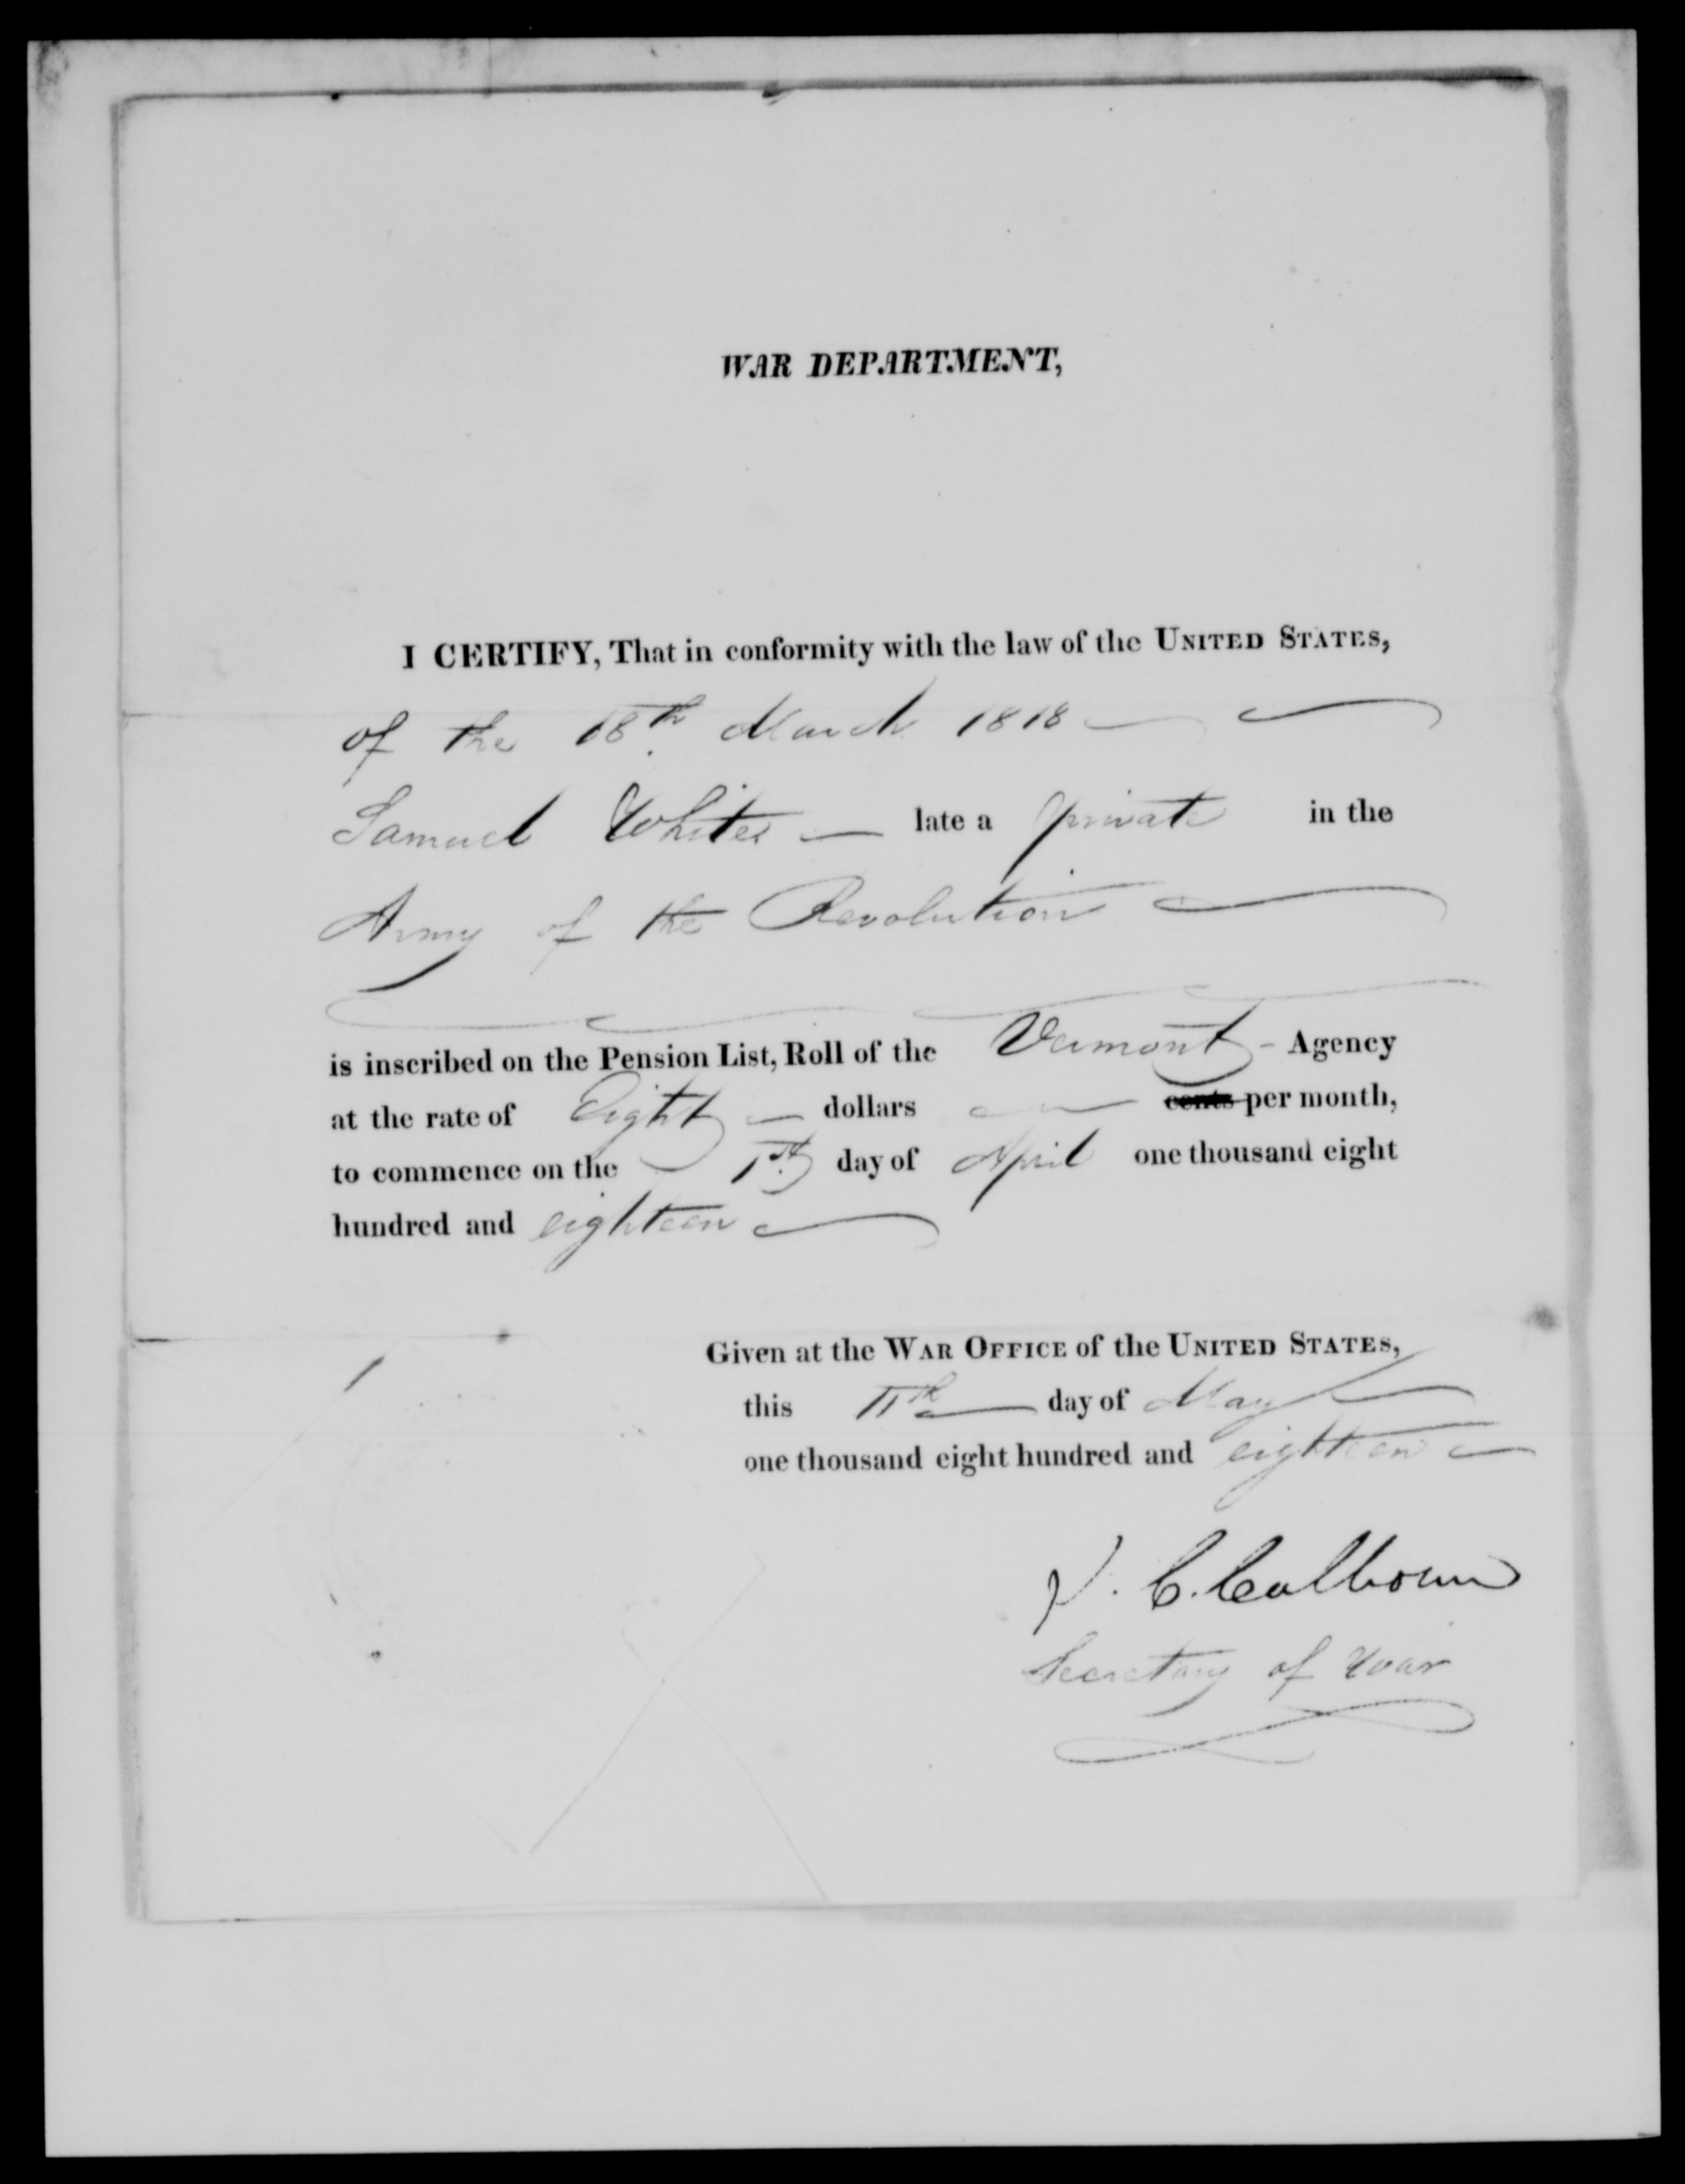I CERTIFY, That in conformity with the law of the UNITED STATES, of the 18th March 1818 Samuel White late a private in the Army of the Revolution is inscribed on the Pension List, roll of the Vermont Agency at the rate of Eight dollars per month, to commence on the 1st day of April one thousand eight hundred and eighteen.
Given at the WAR OFFICE of the UNITED STATES, this 11th day of May one thousand eight hundred and eighteen.

J. C. Calhoun
Secretary of War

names: Samuel White, J C Calhoun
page: 29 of 79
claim: survivor's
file: S. 11759, Samuel White, Mass.